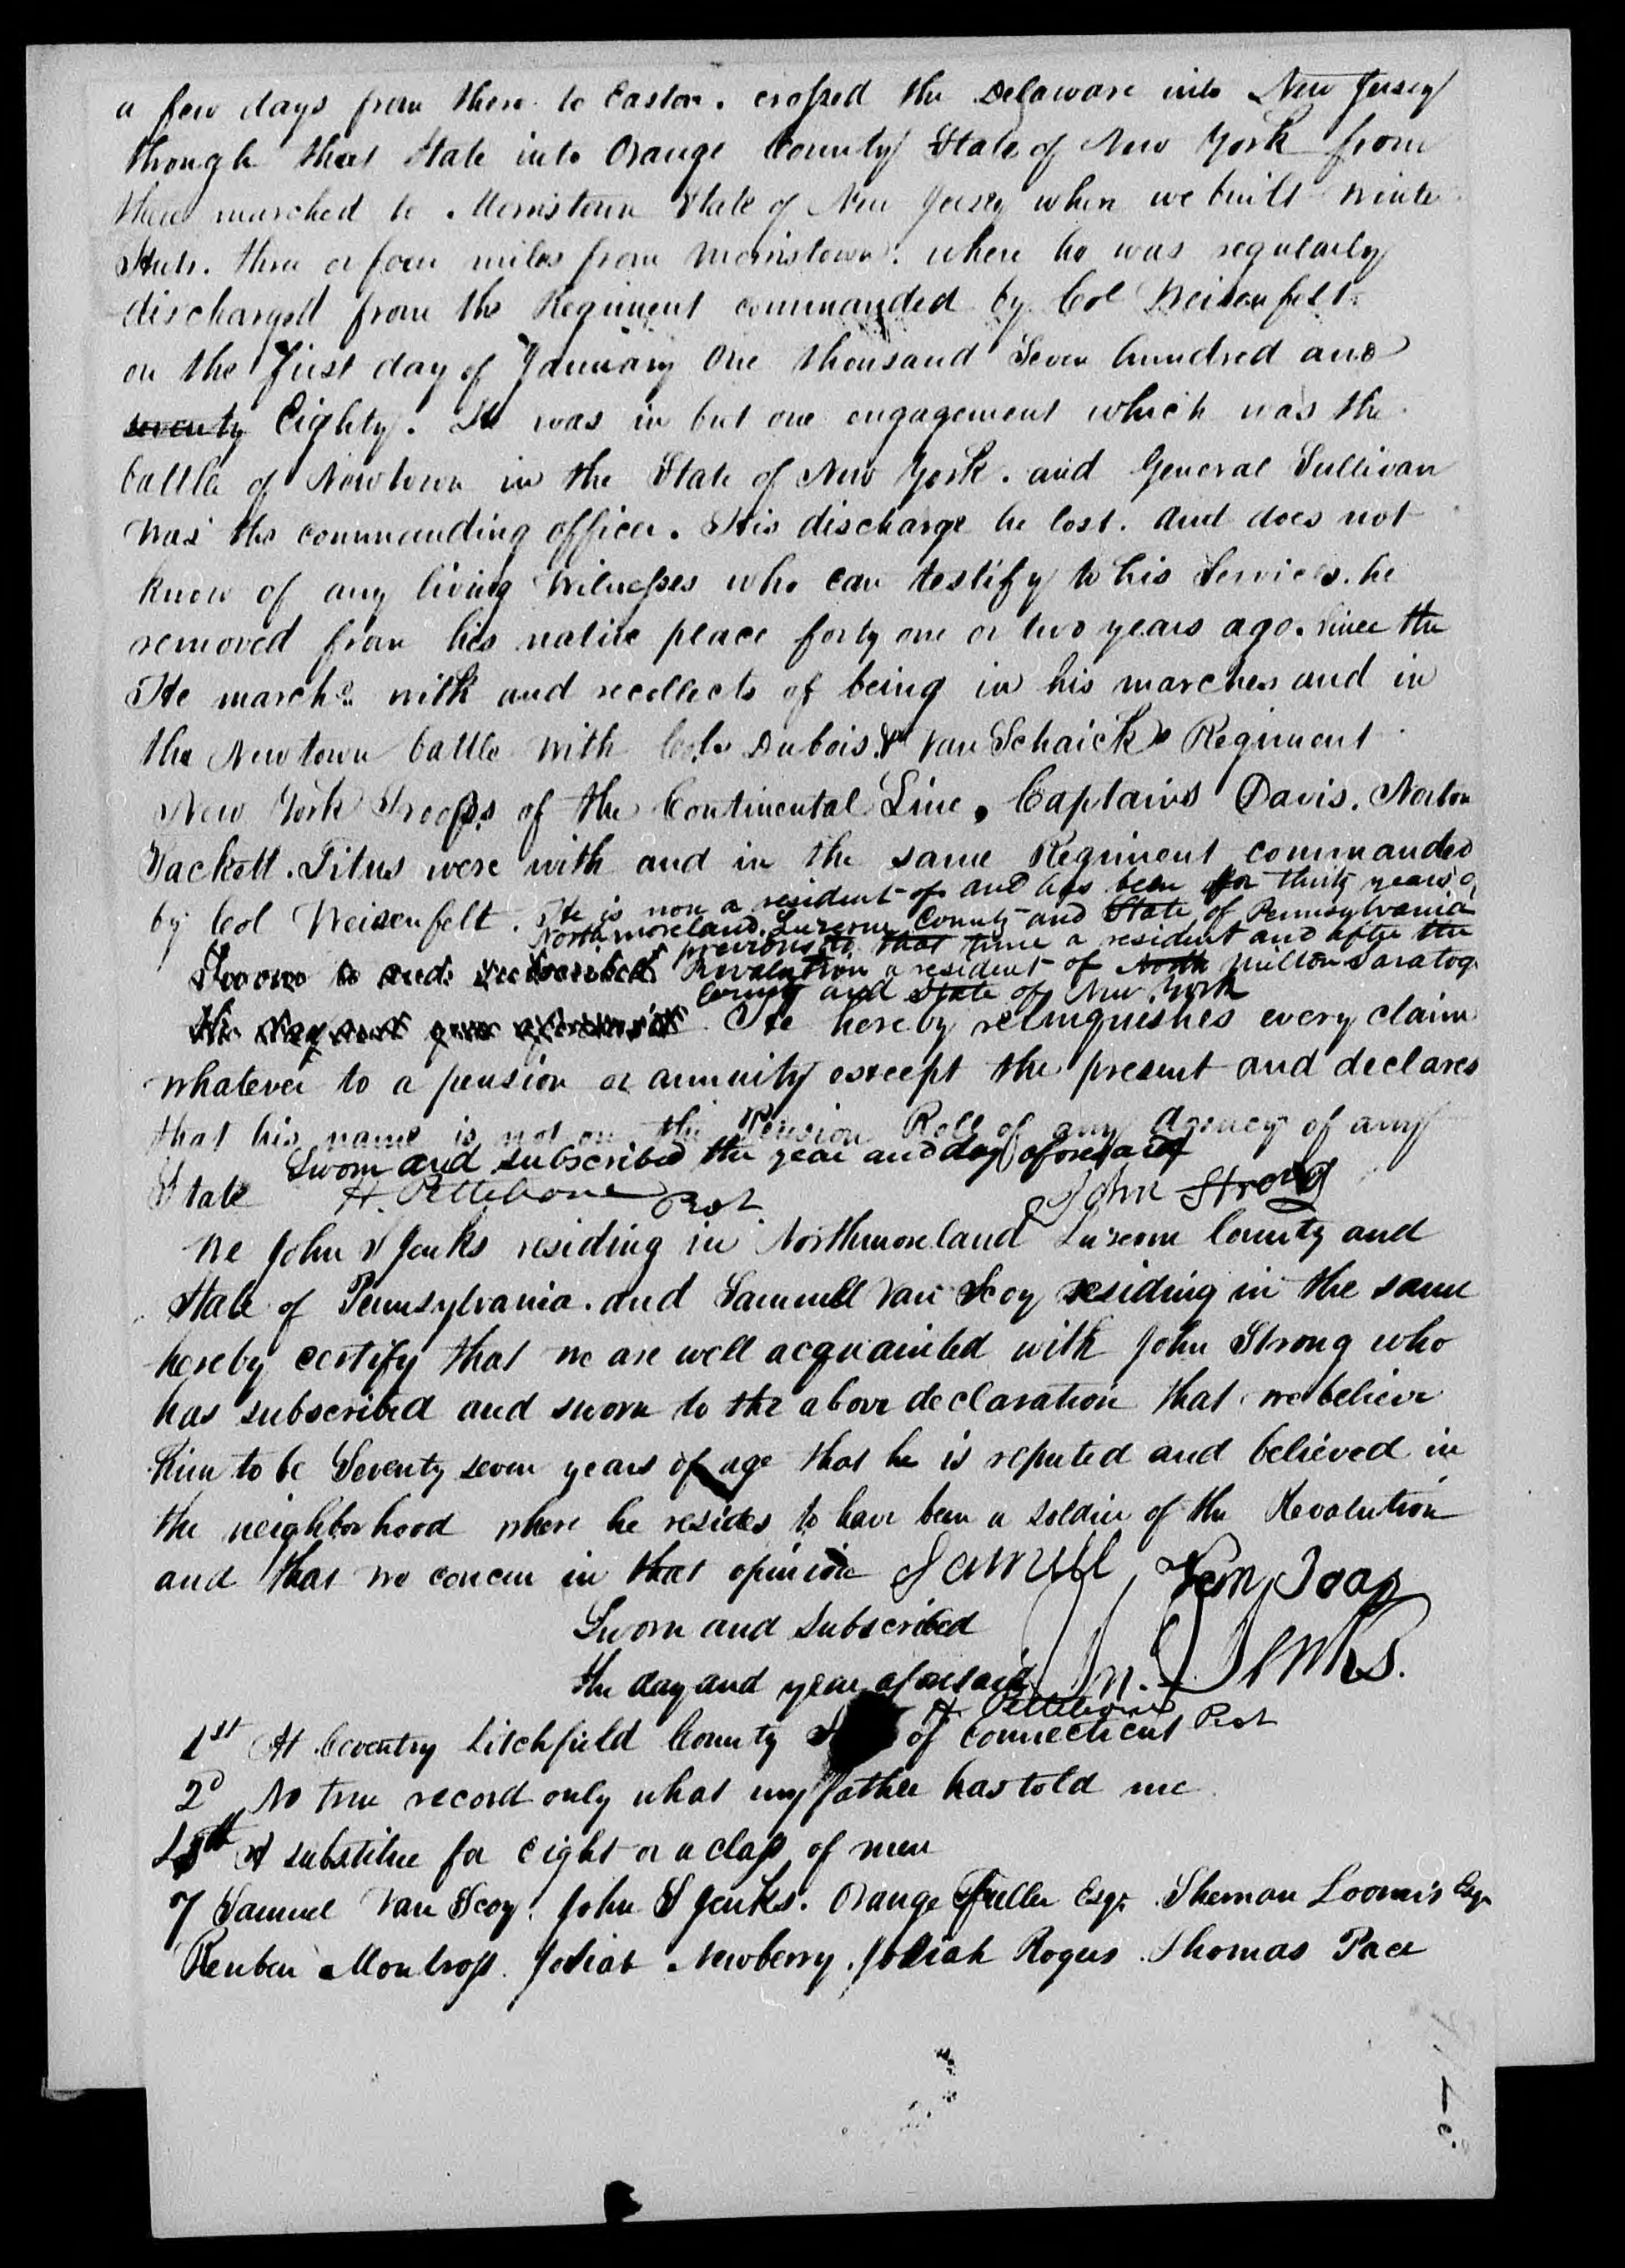a few days from there to Easton, crossed the Delaware into New Jersey through that State into Orange County State of New York from there marched to Morristown State of New Jersey where we built winter huts. three or four miles from Morristown; where he was regularly discharged from the Regiment commanded by Col. Weisenfelt on the first day of January one thousand Seven hundred and Eighty. He was in but one engagement which was the battle of Newtown in the State of New York. and General Sullivan was the commanding officer. His discharge he lost and does not know of any living witness who can testify to his Services. He removed from his native place forty one or two years ago.  Since then he marched with and recollects of being in his marches and in the Newtown battle with Col. Dubois van Schaick's Regiment New York Troops of the Continental Line, Captains Davis, Norton Backett. Titus were with and in the same Regiment commanded by Col. Weisenfelt.  He is now a resident of and has been for thirty years Northmoreland, Luzerne County and State of Pennsylvania prior to that time a resident and after the Revolution a resident of North Saratoga and State of New York.
He hereby relinquishes every claim whatever to a pension or annuity except the present and declares that his name is not on the Pension Roll of any agency of any State. 
Sworn and subscribed this year and day aforesaid
H. Pettibone   John Strong
We John Sparks residing in Northmoreland Luzerne County and State of Pennsylvania and Samuel Van Scoy residing in the same hereby certify that we are well acquainted with John Strong who has subscribed and sworn to the above declaration that we believe him to be Seventy seven years of age that his is reputed and believed in the neighborhood where he resides to have been a solider of the Revolution and that we concur in that opinion.
Sworn and Subscribed 
[signatures of Samuel [Van Scoy] and John S. Jenks]
the day and year aforesaid
H. Pettibone
1st at Country Litchfield County of Connecticut
2nd No true record only what my father has told me
4th A substitute for eight or a class of men
7 Samuel Van Scoy John S Jenks. Orange Feller Esq. Sherman Loomis Esq
Reuben Montrose Jediah Newberry, Jediah Rogers, Thomas Pace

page: 4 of 33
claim: widow's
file: W. 4592, for John Strong, New York